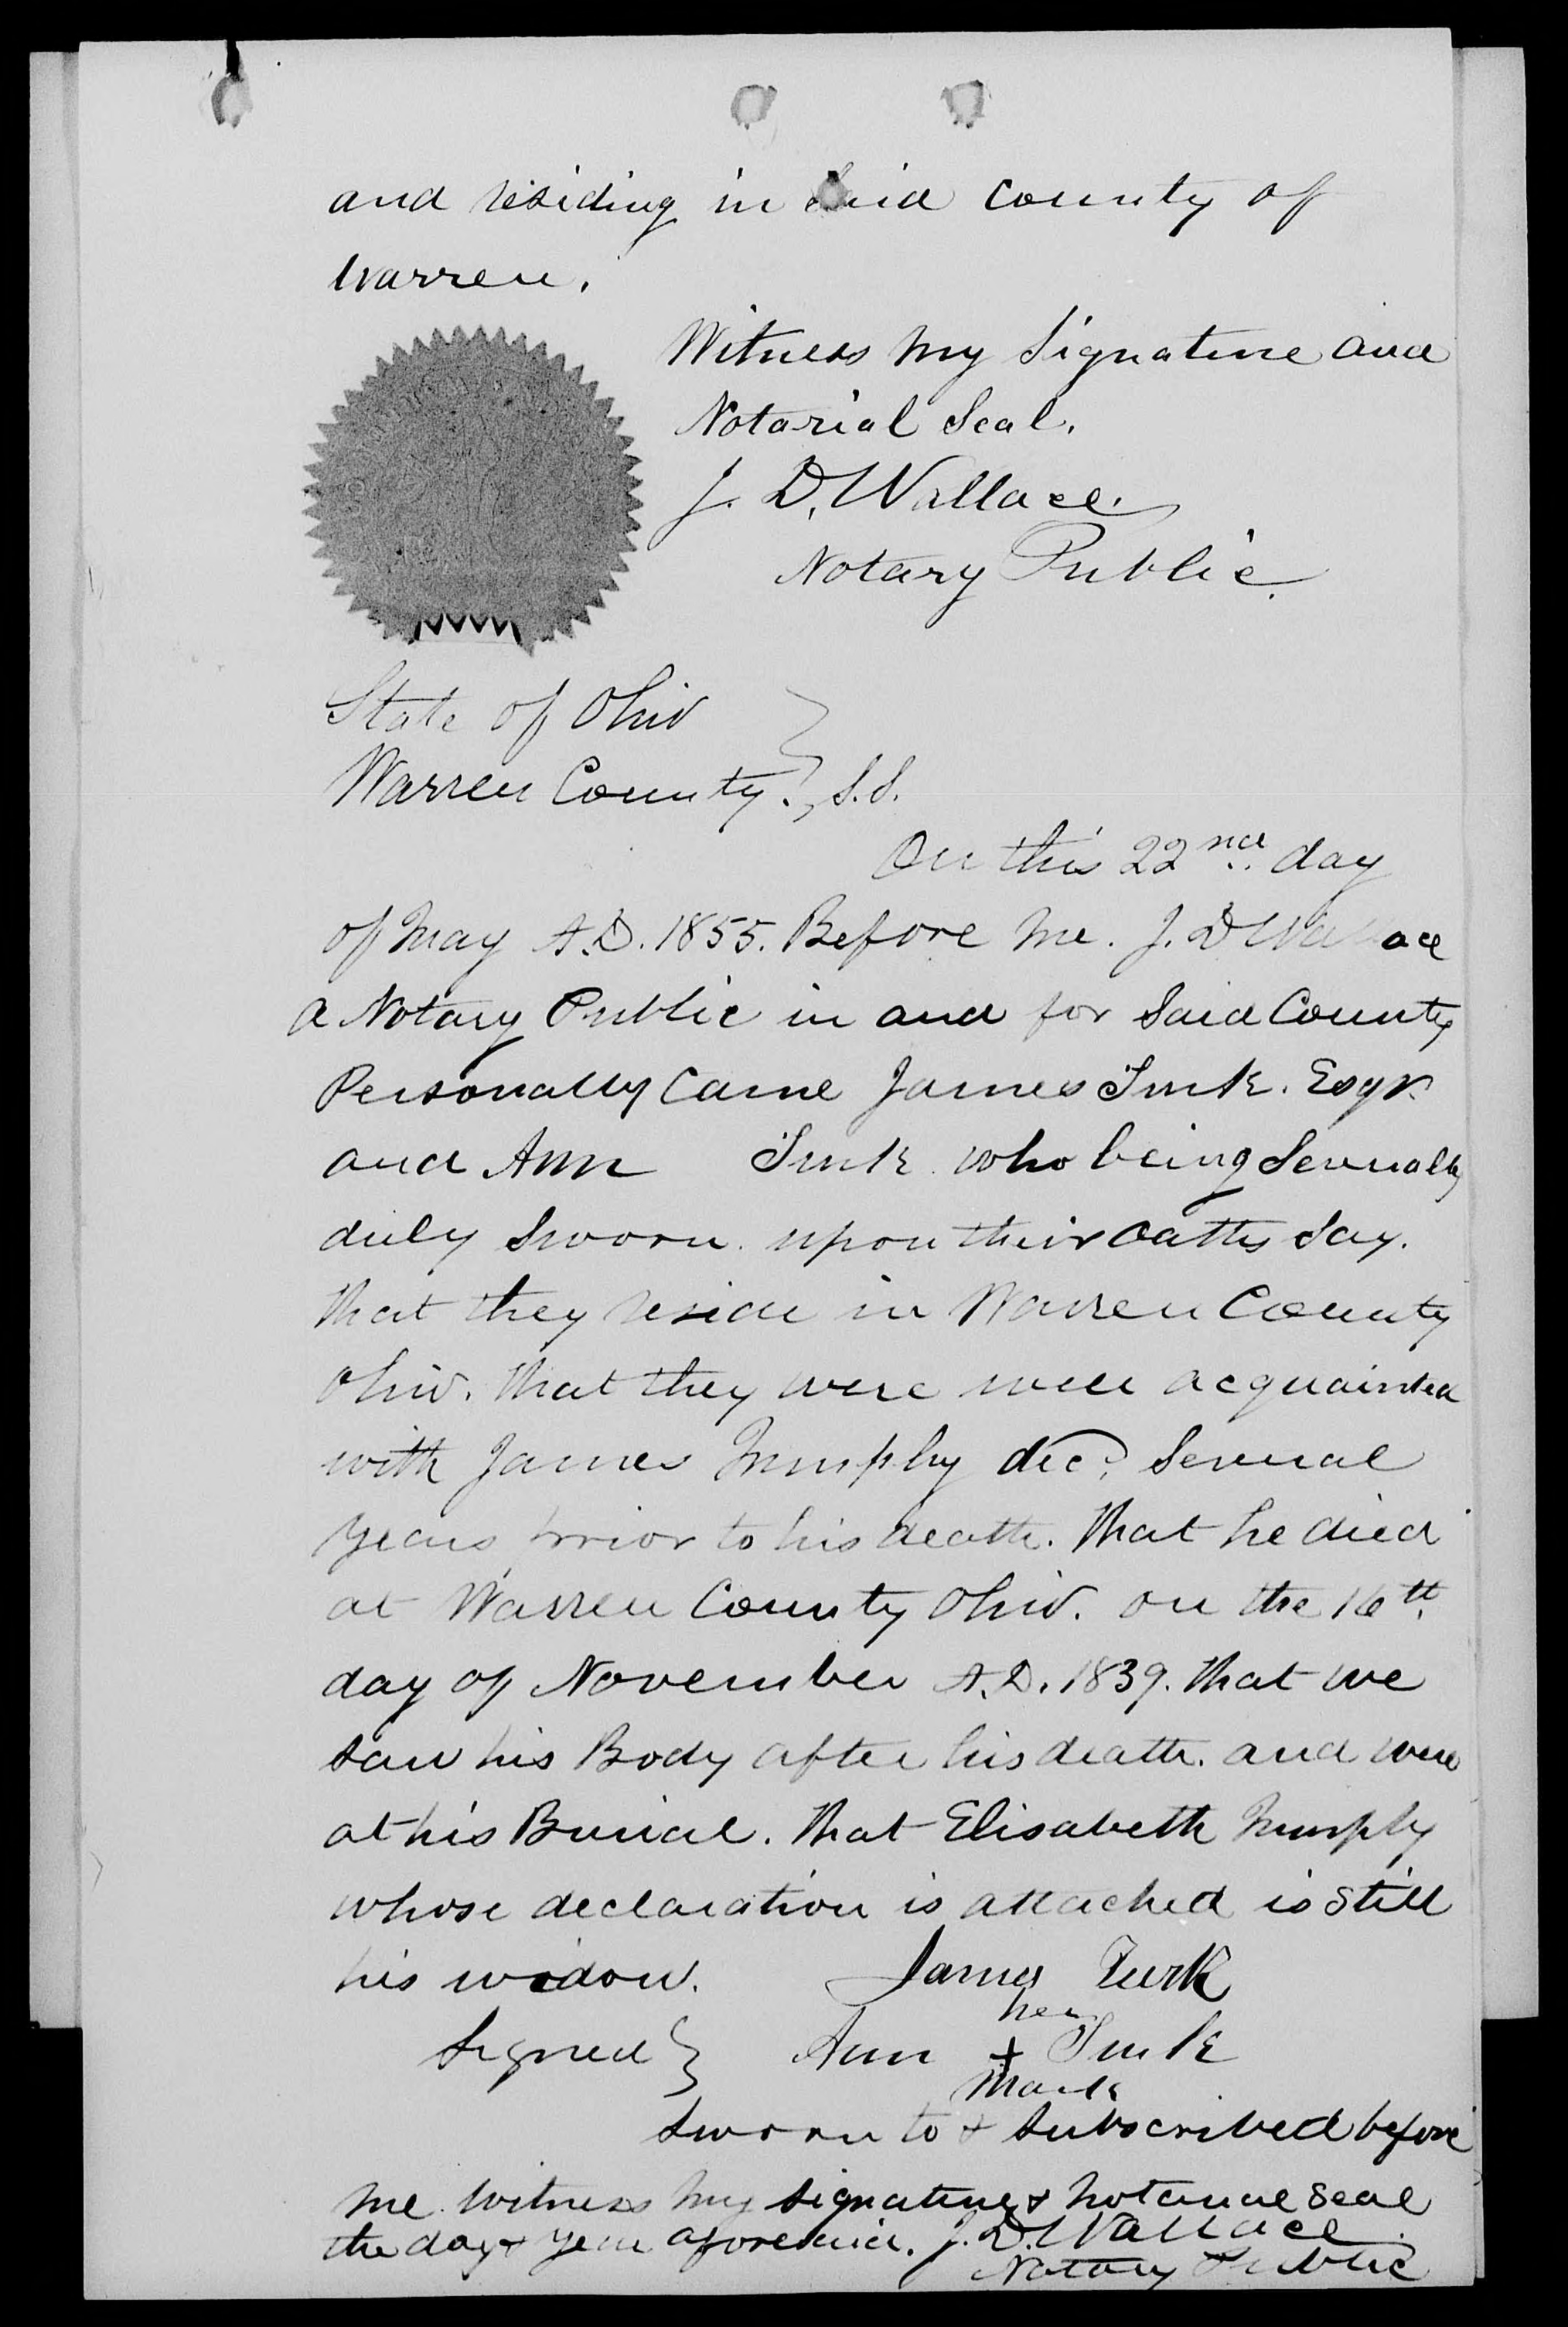and residing in said County of
Warren,
Witness my signature and
Notarial Seal
J. D. Wallace /s/
Notary Public

State of Ohio
Warren County    S.S.

On this 22nd day
of May A.D. 1855. Before me J. D. Wallace
a Notary Public in and for said County
Personally came James Turk Esqr.
and Ann Turk who being severally
duly sworn upon their oaths say
that they reside in Warren County
Ohio, that they were well acquainted with
James Murphy decd Several
years prior to his death. That he died
at Warren County Ohio, on the 16th
day of November A.D. 1839. that we
saw his Body after his death, and were
at his Burial. That Elisabeth Murphy
whose declaration is attached is still
his widow,
Signed
James Turk /s/
Ann Turk  X her mark

Sworn to & subscribed before
me. Witness my signature & notarial seal
the day& year aforesaid. 
J.D. Wallace
Notary Public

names: James Turk; James Murphy; Elisabeth Murphy; J D Wallace; Ann Turk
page: 25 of 57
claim: widow's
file: W. 25,739, for James Murphey, Pennsylvania